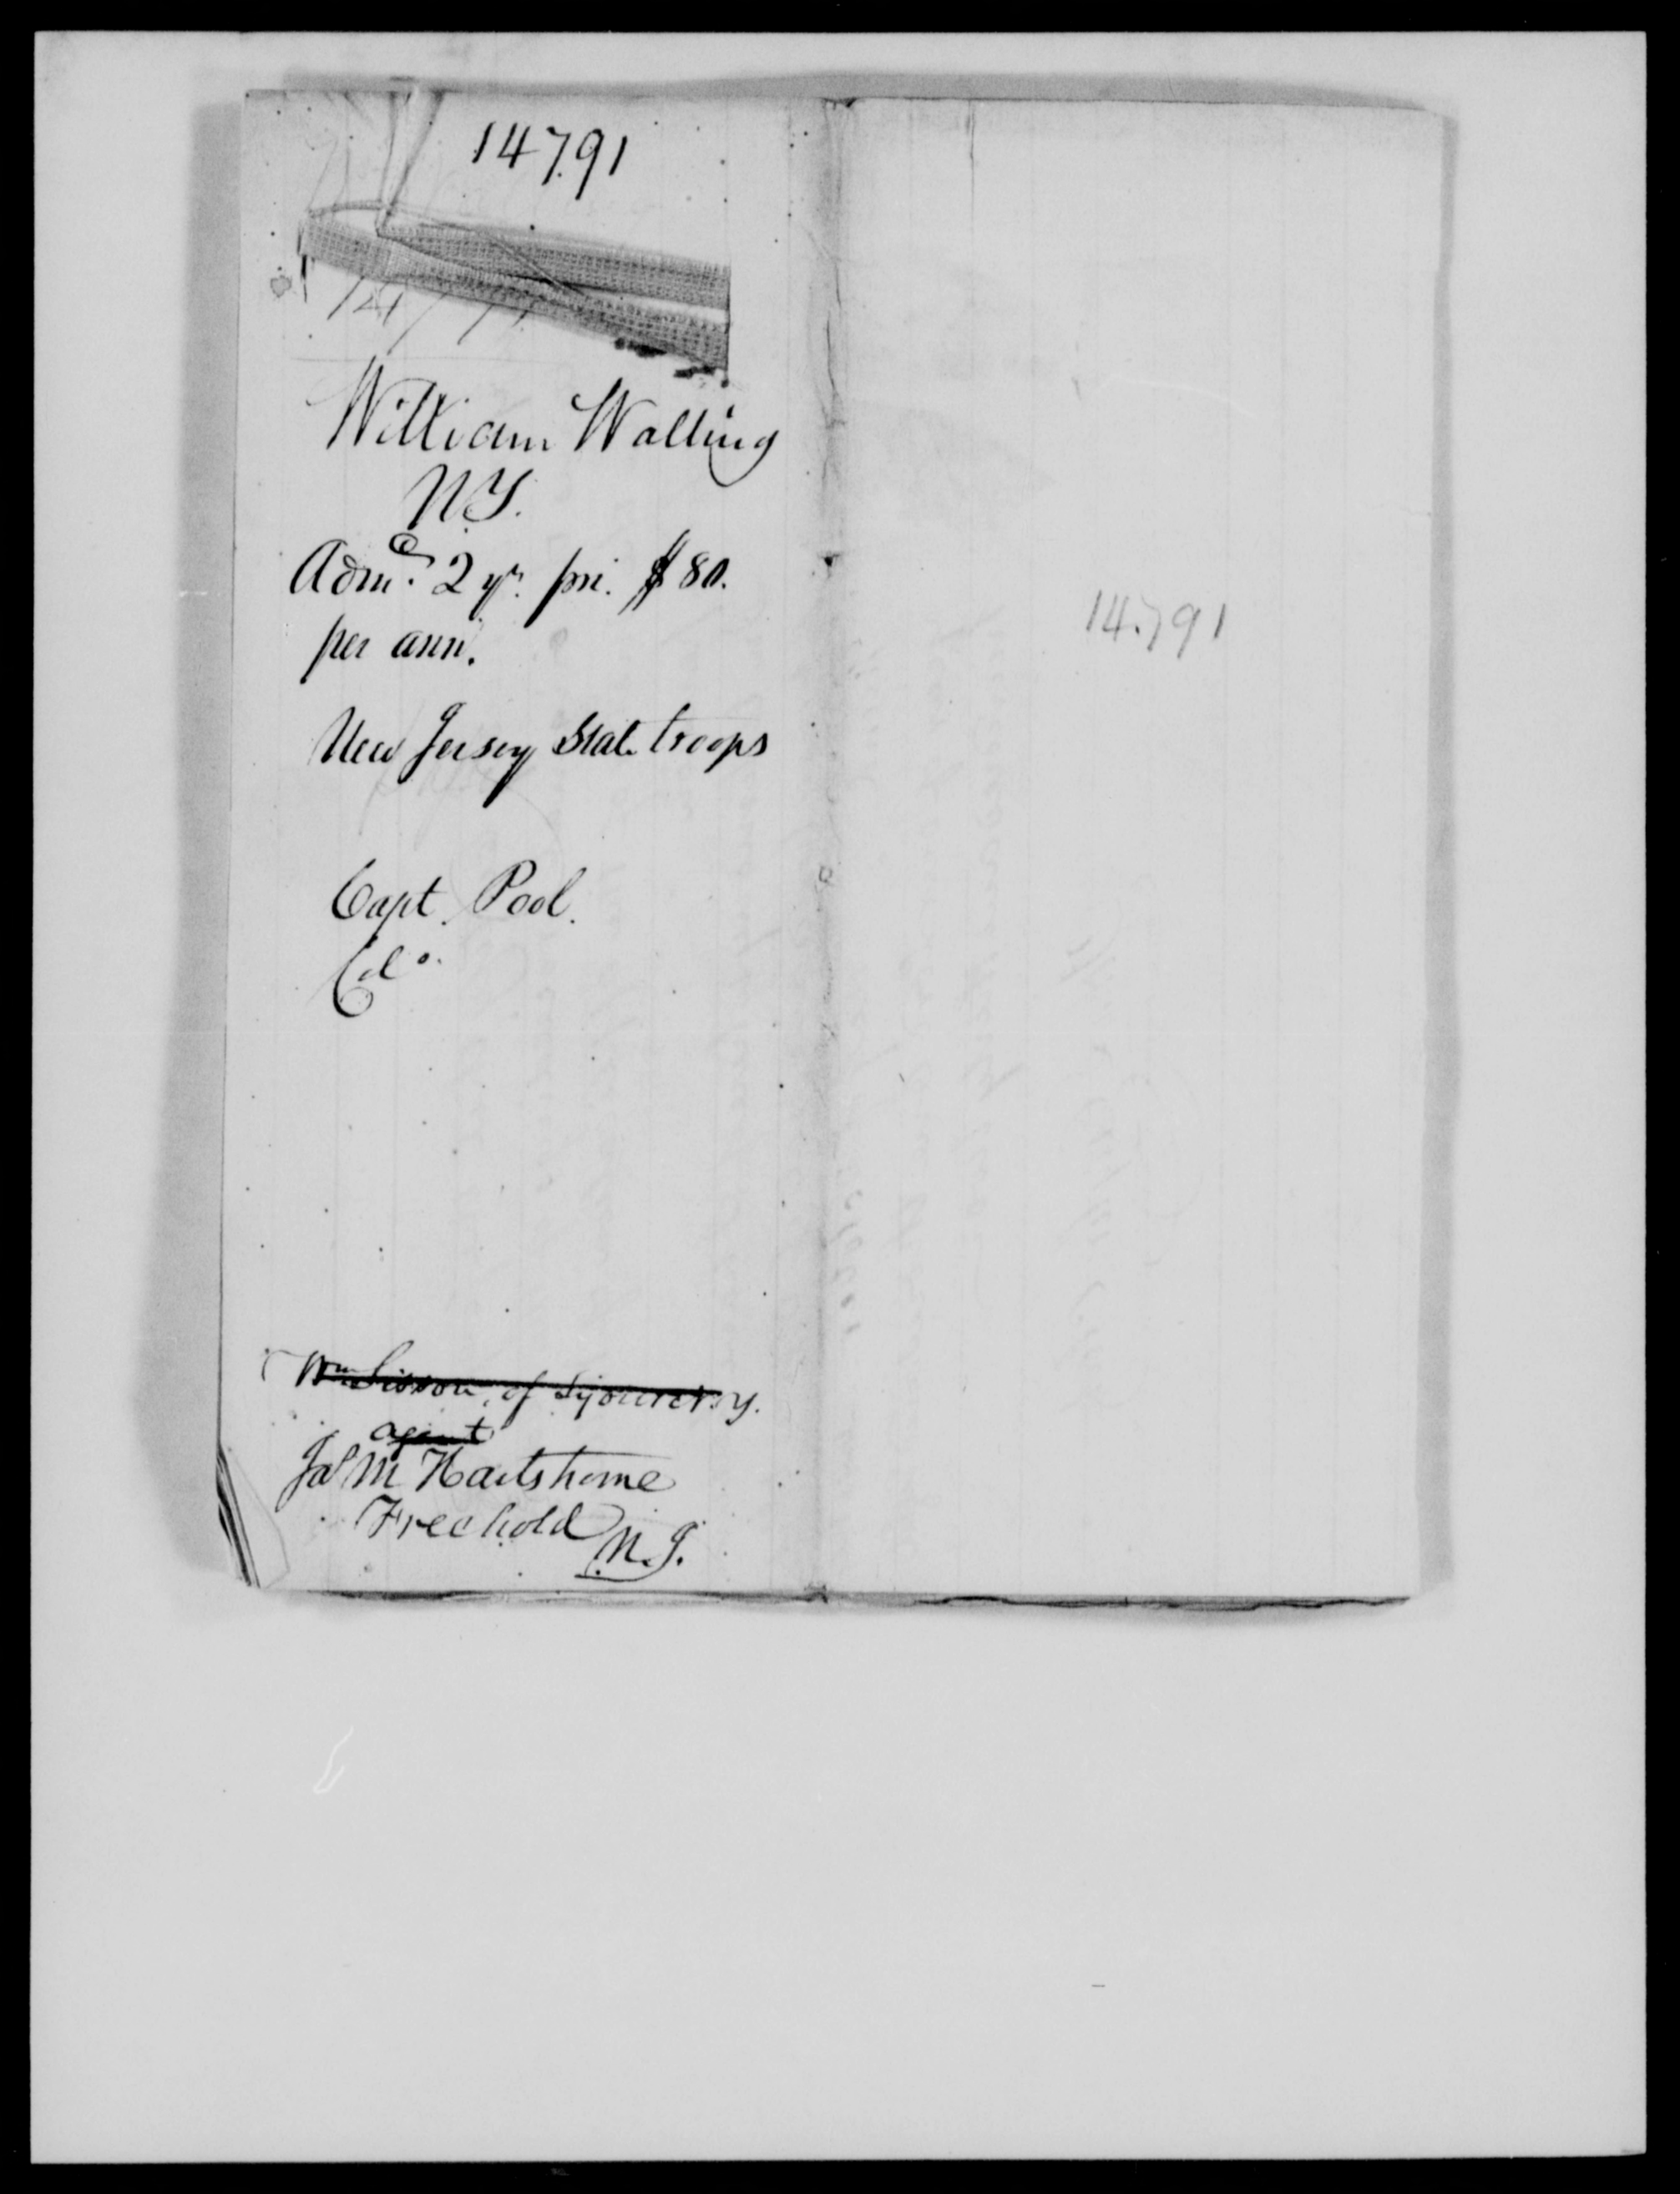14791

William Walling
N.Y.
(illegible) 2 yr. (illegible) $80 per Ann
New Jersey State troops
Capt Pool
Col
14791

Jas M Hartshorne
Freehold N.J.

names: Jas M Hartshorne, William Walling, Pool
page: 10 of 66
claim: widow's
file: W. 19588, William Walling, New Jersey